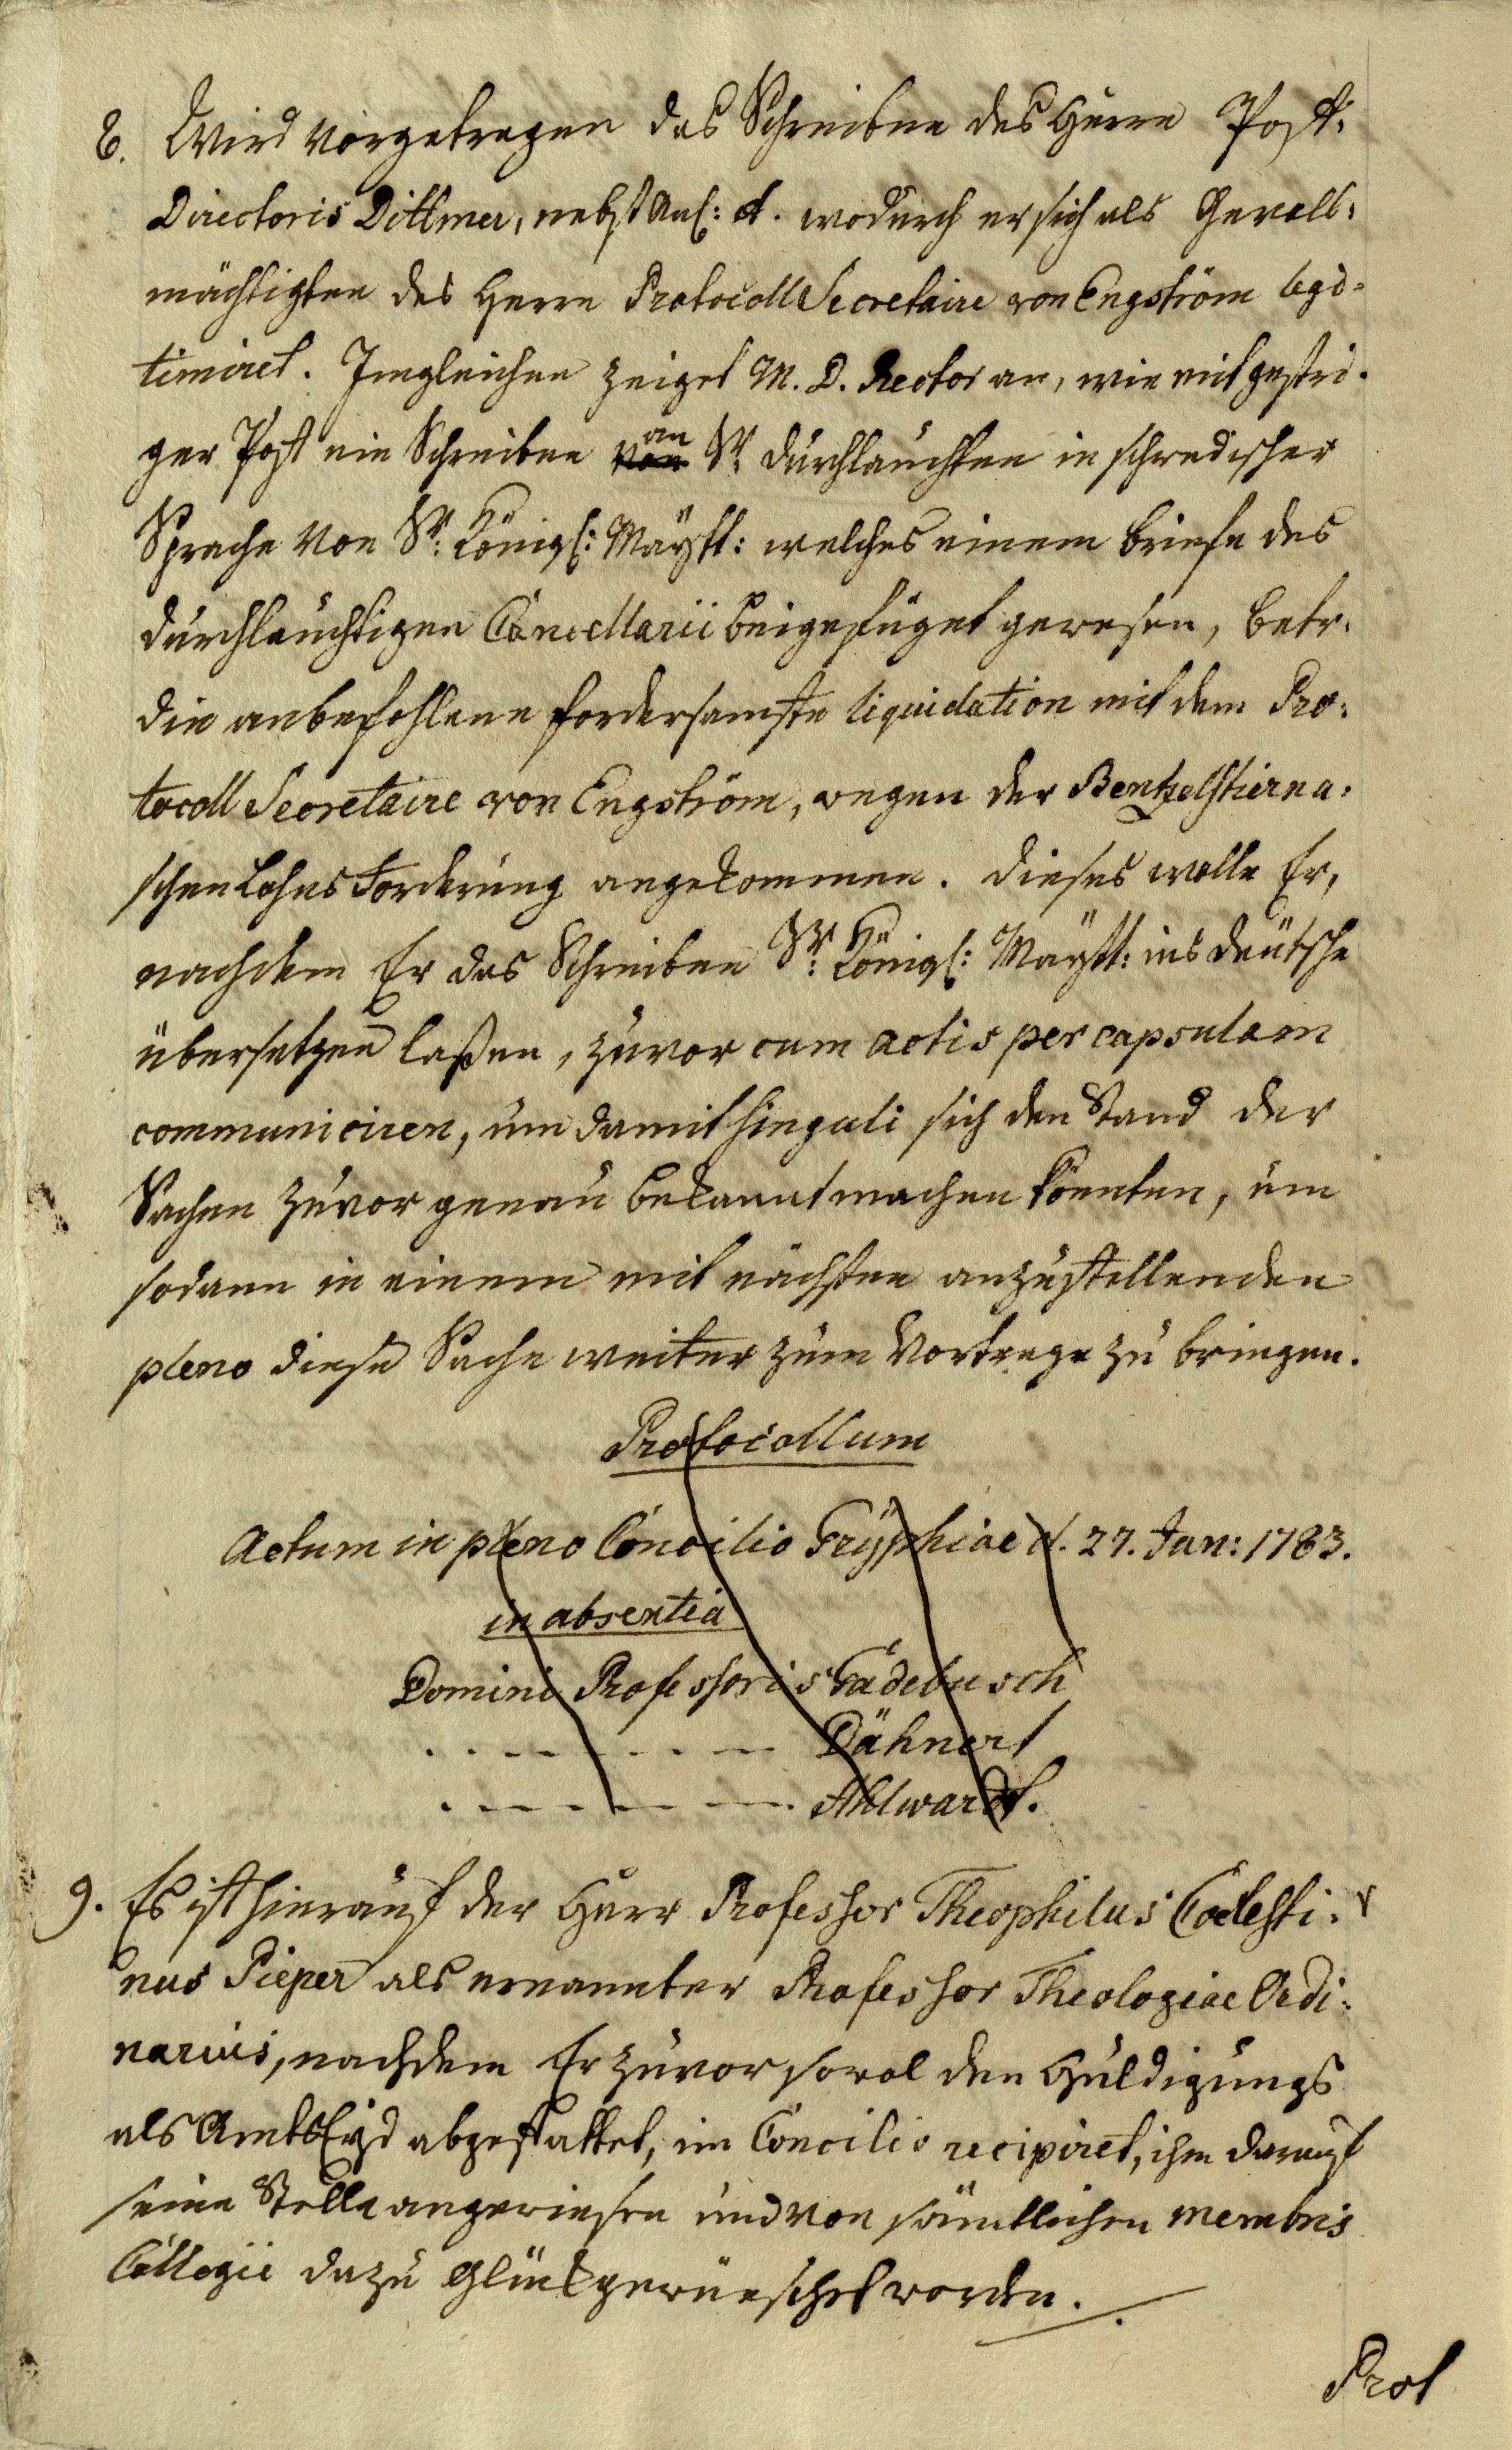8. Wird vorgetragen das Schreiben des Herrn Post¬
Directoris Dittmer, nebst Anl: d. wodurch Er sich als Gevoll¬
mächtigten des Herrn Protocoll Secretaire von Engström legi¬
timiret. Imgleichen zeiget M. D. Rector an, wie mit gestri¬
ger Post ein Schreiben von an Sr. Durchlauchten in schwedischer
Sprache von Sr. Königl. Maÿtt. welches einem briefe des
durchlauchtigen Cancellarii beigefüget gewesen, betr.
die anbefohlene fordersamste liquidation mit dem Pro¬
tocoll Secretaire von Engström, wegen der Bentzelstierna¬
schen LohnsForderung angekommen. Dieses wolle Er,
nachdem Er das Schreiben Sr. Königl. Maÿtt. ins deutsche
übersetzen laßen, zuvor cum actis per capsulam
communiciren, um damit singuli sich den Stand der
Sachen zuvor genau bekanntmachen könnten, um
sodann in einem mit nächsten anzustellenden
pleno diese Sache weiter zum Vortrage zu bringen.
Protocollum
actum in pleno Concilio Grÿphiae d. 27. jan. 1783.
in absentia
Domini Professoris Gadebusch
Dähnert
Ahlwardt.
9. Es ist hierauf der Herr Professor Theophilus Coelesti¬
nus Pieper als ernannter Professor Theologiae Ordi¬
narius, nachdem Er zuvor sowol den Huldigungs
als AmtsEÿd abgestattet, im Concilio recipiret, ihm darauf
seine Stelle angewiesen und von sämtlichen membris
Collegii dazu Glückgewünschet worden.